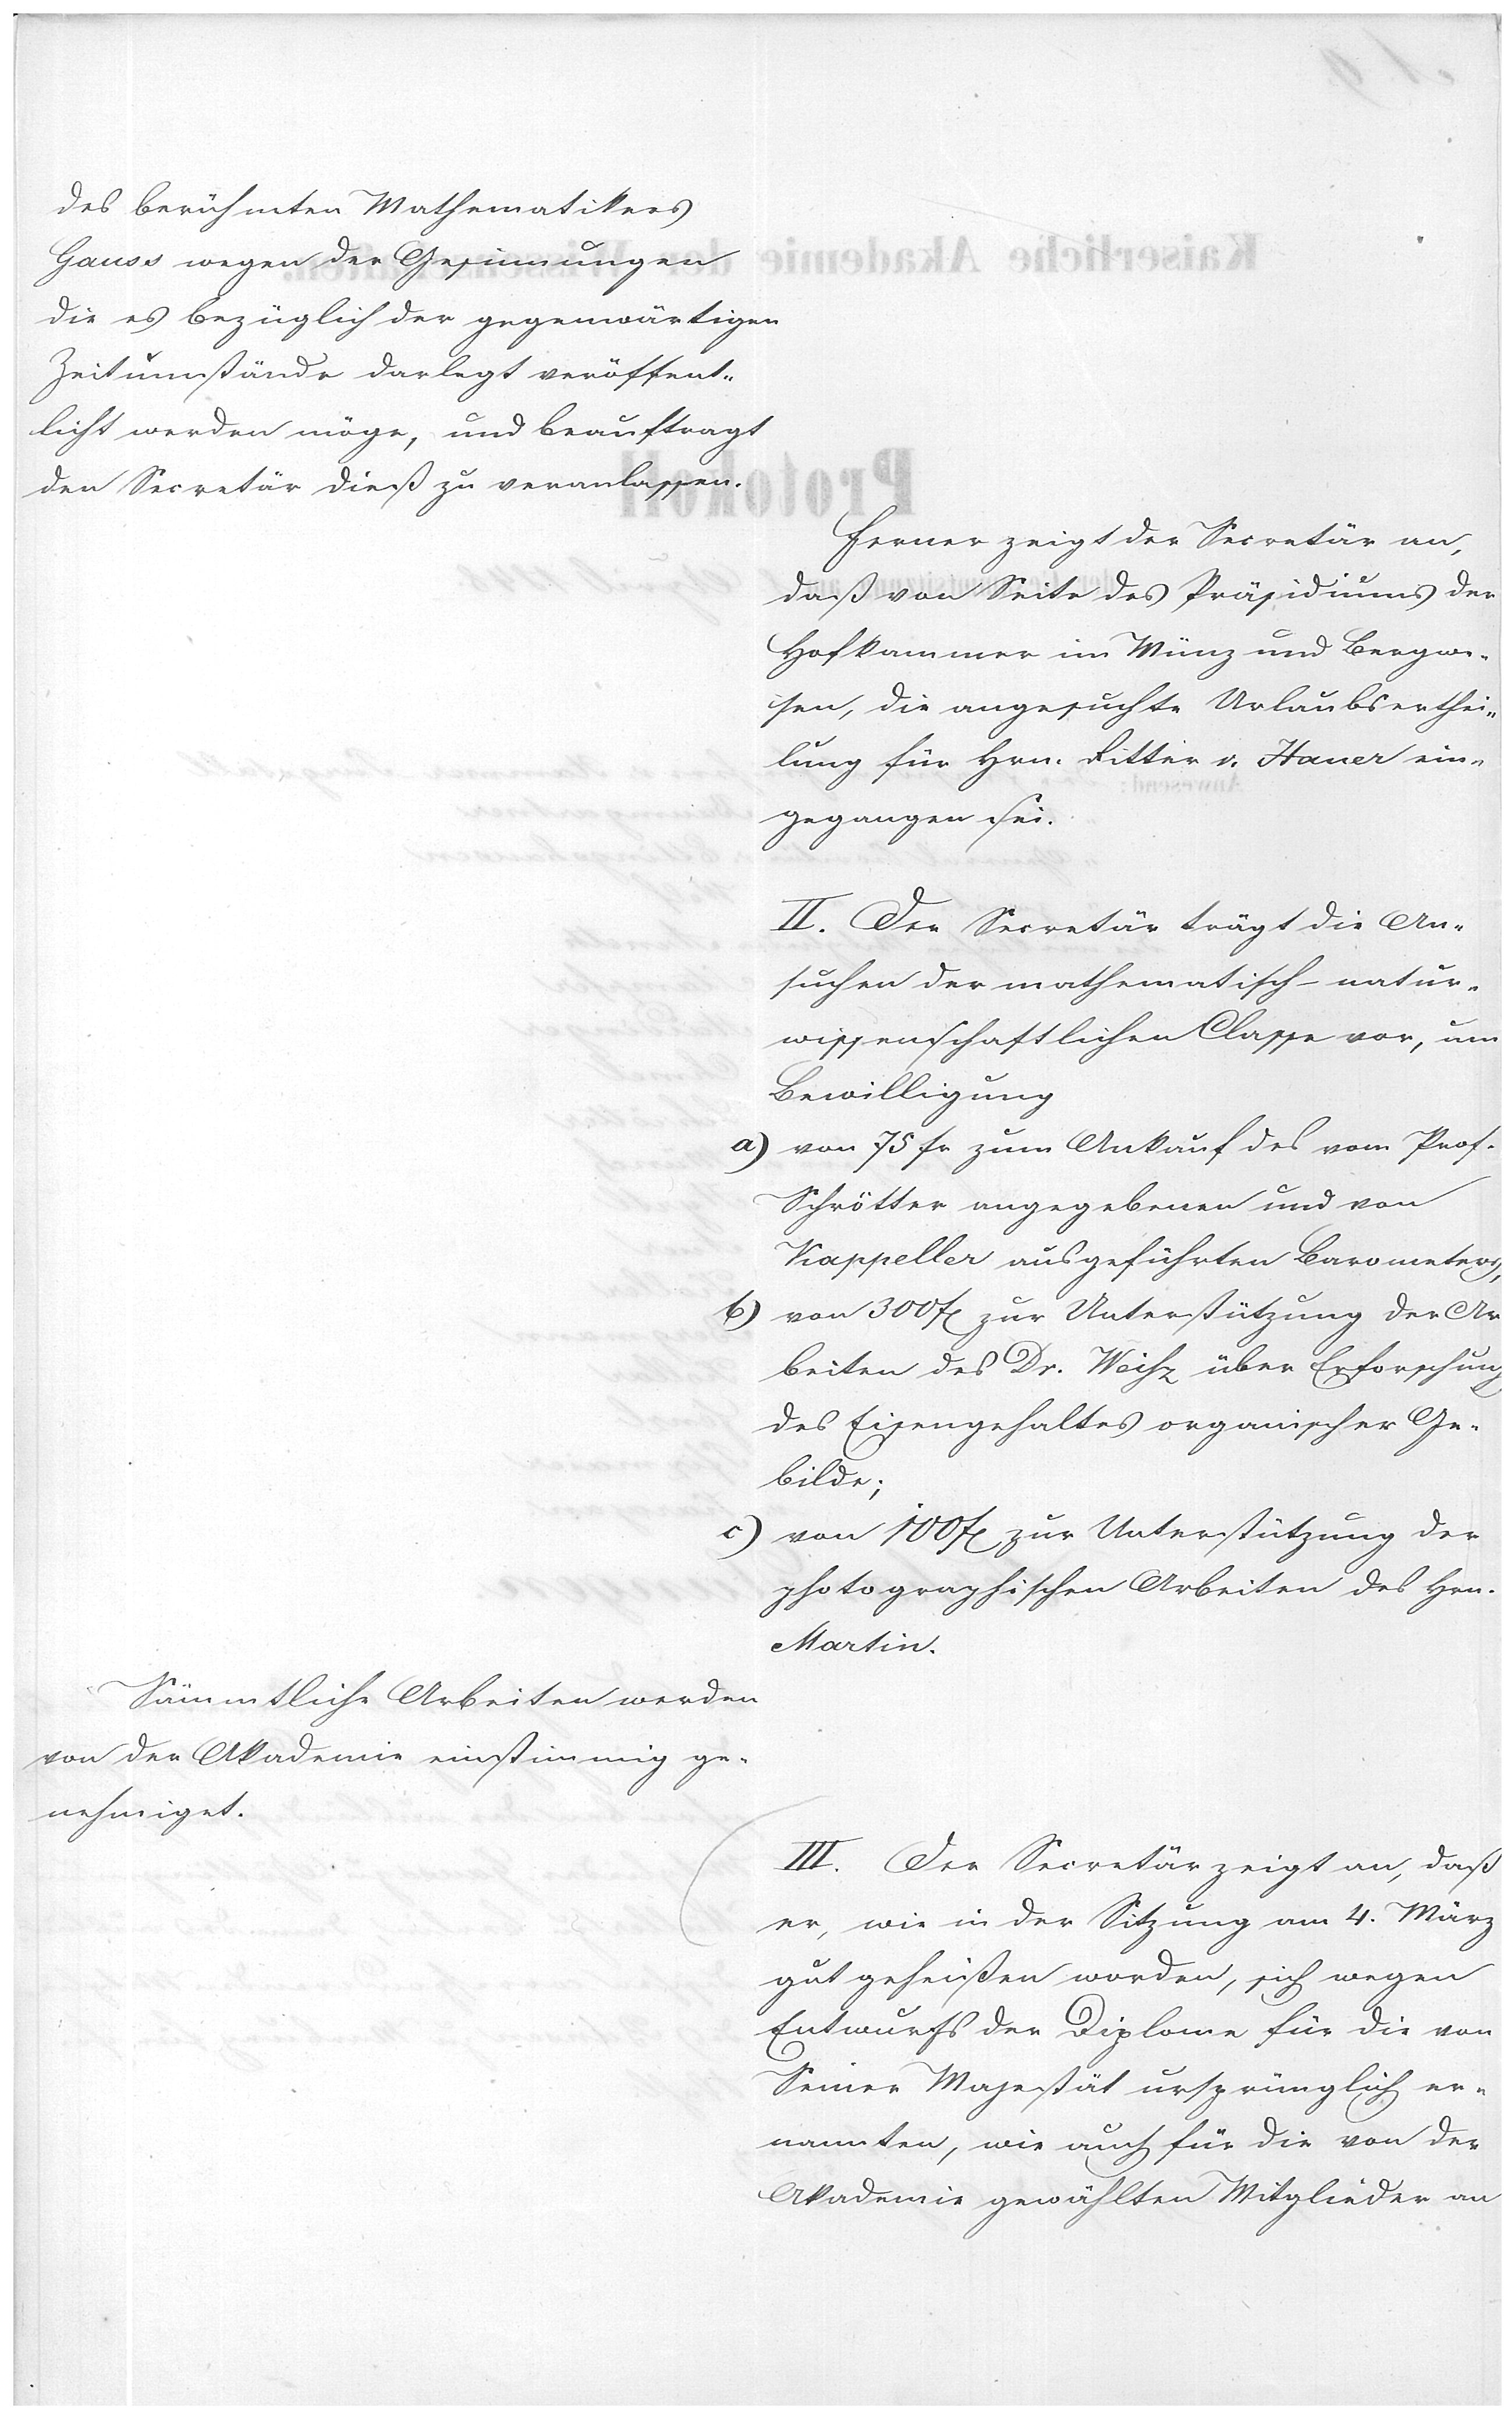des berühmten Mathematikers
Gauss wegen der Gesinnungen
die es bezüglich der gegenwärtigen
Zeitumstände darlegt veröffent-
licht werden möge, und beauftragt
den Secretär dieß zu veranlassen.
Ferner zeigt der Secretär an,
daß von Seite des Präsidiums der
Hofkammer im Münz und Bergwe-
sen, die angesuchte Urlaubserthei-
lung für Hrn. Ritter v. Hauer ein-
gegangen sei.
II.Der Secretär trägt die An-
suchen der mathematisch-natur-
wissenschaftlichen Classe vor, um
Bewilligung
a) von 75 fl zum Ankauf des vom Prof.
Schrötter angegebenen und von
Kappeller ausgefährten Barometers,
b) von 300 fl zur Unterstützung der Ar-
beiten des Dr. Weisz über Erforschung
des Eisengehaltes organischer Ge-
bilde;
c) von 100 fl zur Unterstützung der
photographischen Arbeiten des Hrn.
Martin.
Sämmtliche Arbeiten werden
von der Akademie einstimmig ge-
nehmiget.
III. Der Secretär zeigt an, daß
er, wie in der Sitzung an 4. März
gut geheißen worden, sich wegen
Entwurfs der Diplome für die von
Seiner Majestät ursprünglich er-
nannten, wie und für die von der
Akademie gewählten Mitglieder an